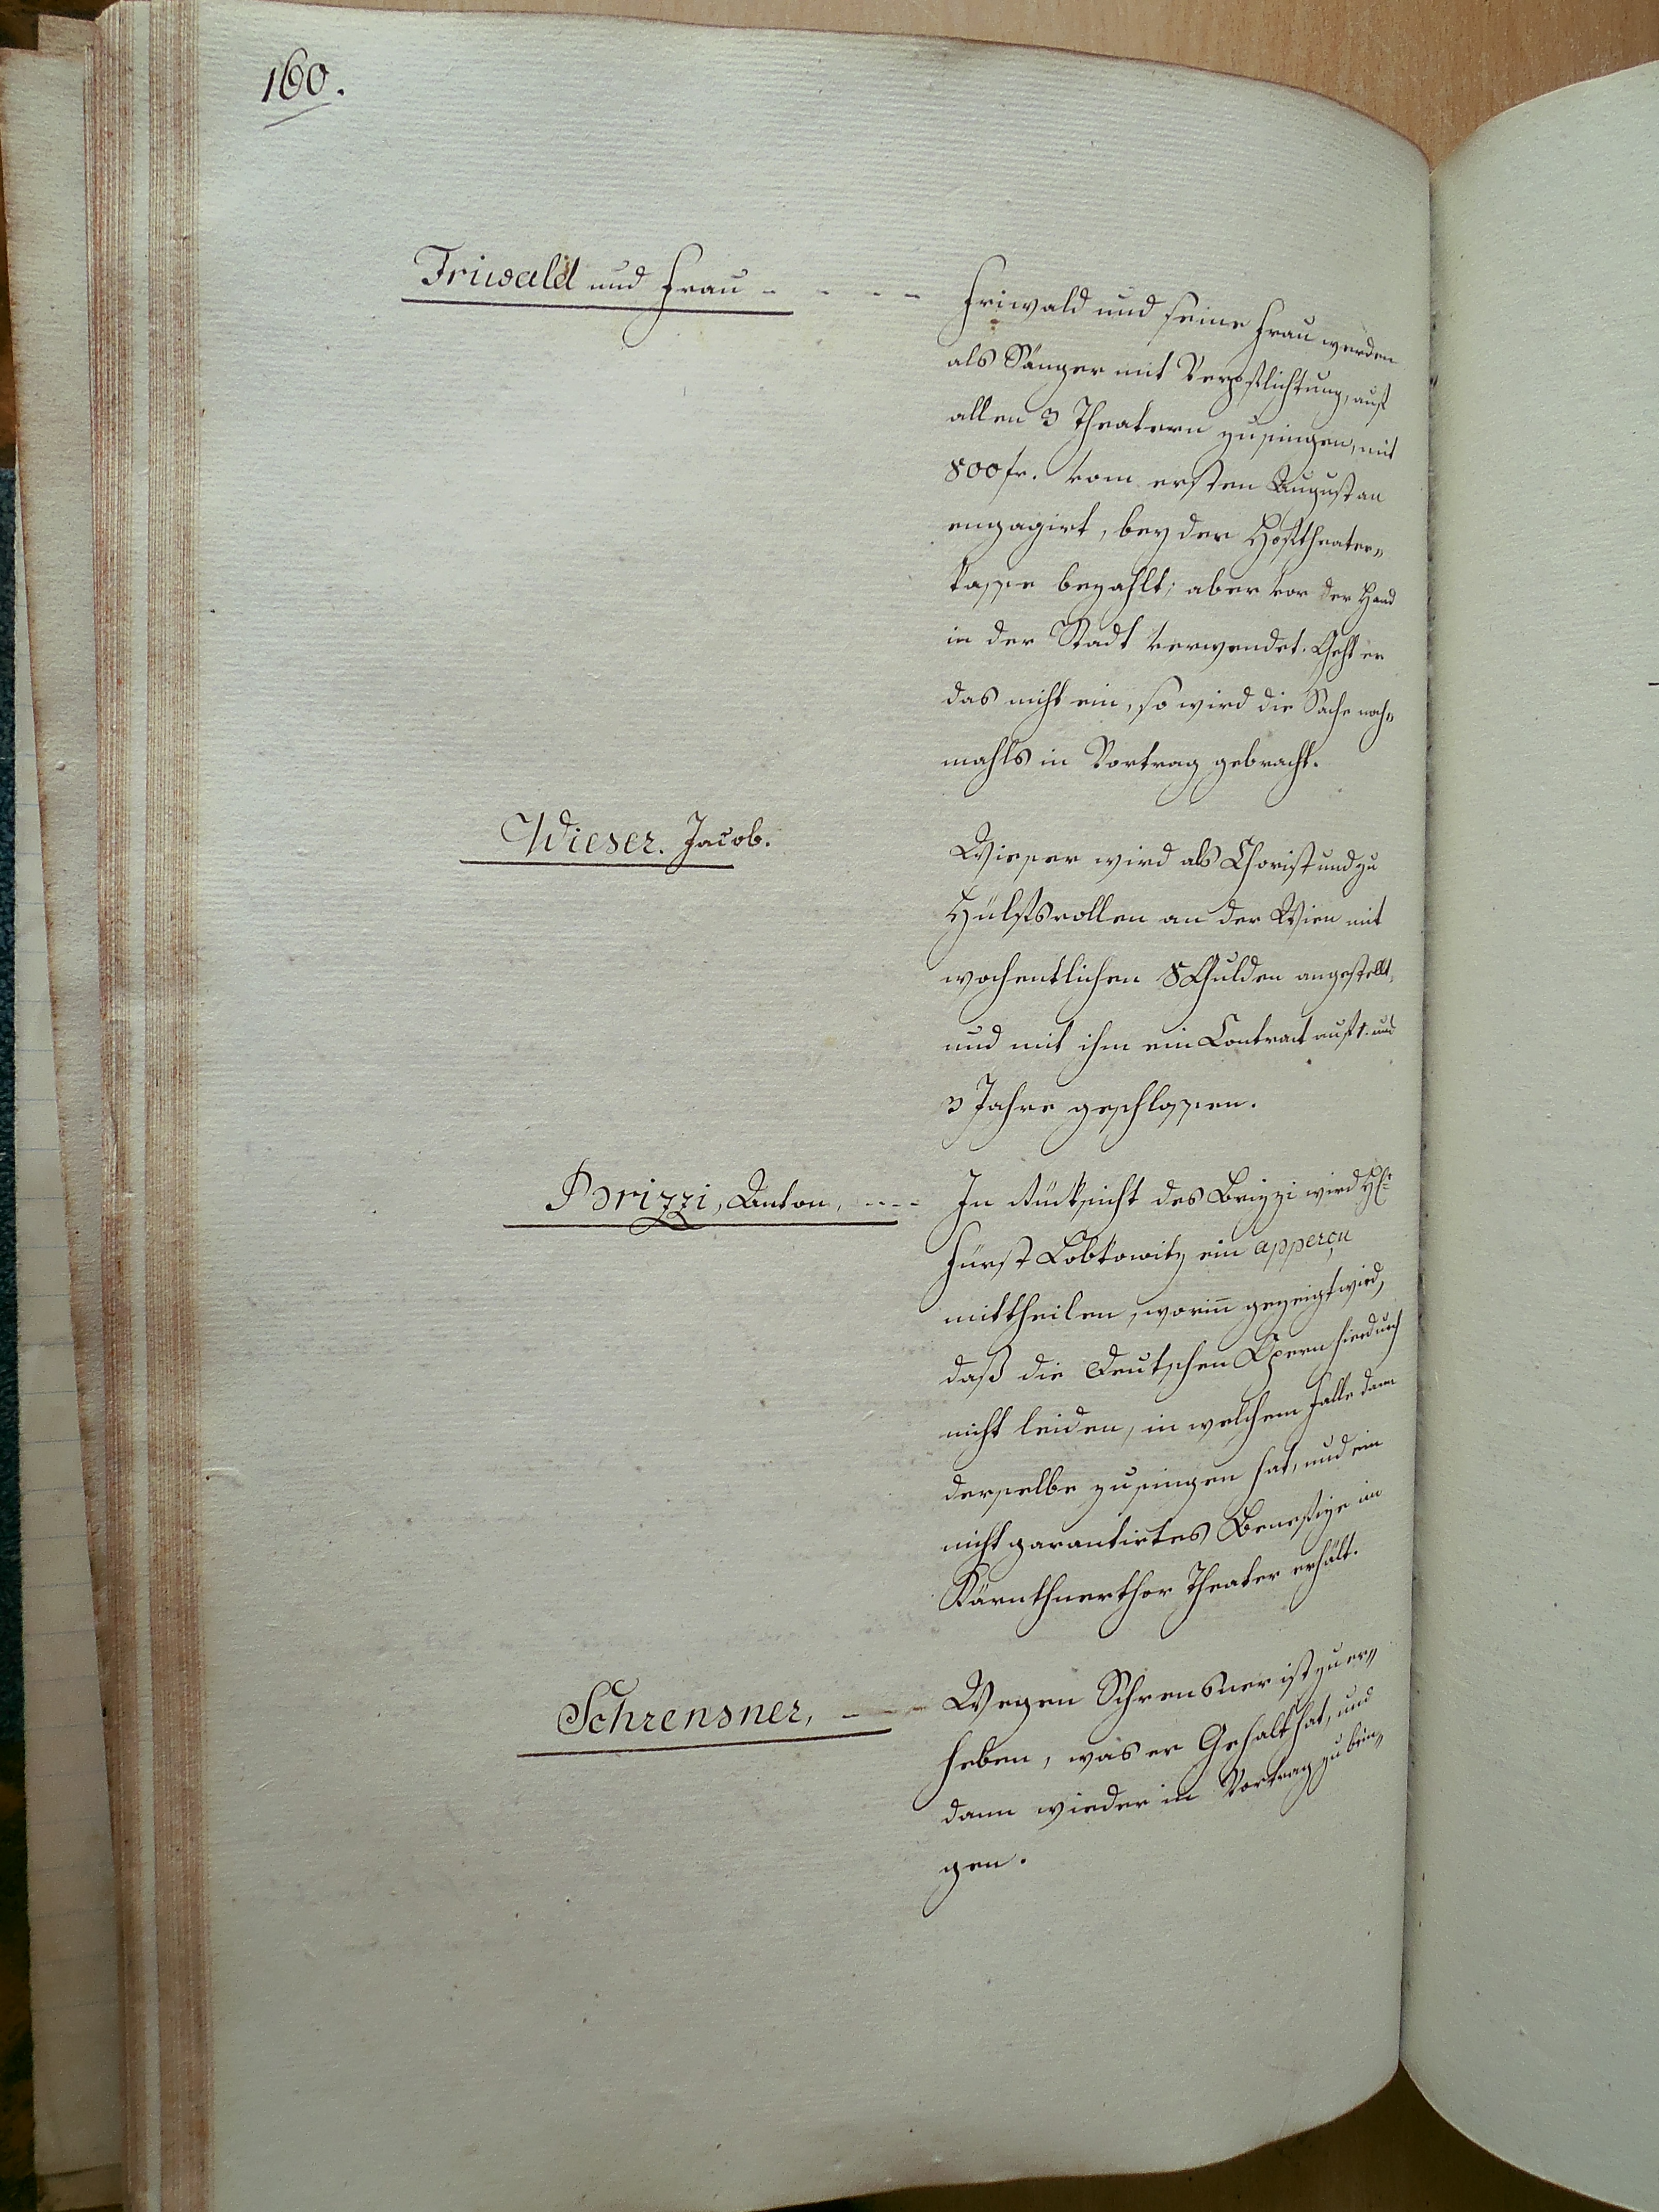160.
Friwald und Frau .. .. .. .. Friwald und seine Frau werden
als Sänger mit Verpflichtung, auf
allen 3 Theatern zusingen, mit
800fr. vom ersten August an
engagirt, bey der Hoftheater¬
kasse bezahlt, aber vor der Hand
in der Stadt verwendet. Geht er
das nicht ein, so wird die Sache noch¬
mahls in Vortrag gebracht.
Wieser. Jacob. Wieser wird als Chorist und zu
Hülfsrollen an der Wien mit
wochentlichen 8 Gulden angestellt,
und mit ihm ein Contract auf 1 und
3 Jahre geschlossen.
Brizzi, Anton, .... In Rücksicht des Brizzi wird HEr͇
Fürst Lobkowitz ein appercu
mittheilen, worin̅ gezeigt wird,
daß die Deutschen Opern hierdurch
nicht leiden, in welchem Falle dann
derselbe zusingen hat, und ein
nicht garantirtes Benefize im
Kärnthnerthor Theater erhält.
Schrensner, .. .. .. Wegen Schrensner ist zu er¬
heben, was er Gehalt hat, und
dann wieder in Vortrag zu brin¬
gen.